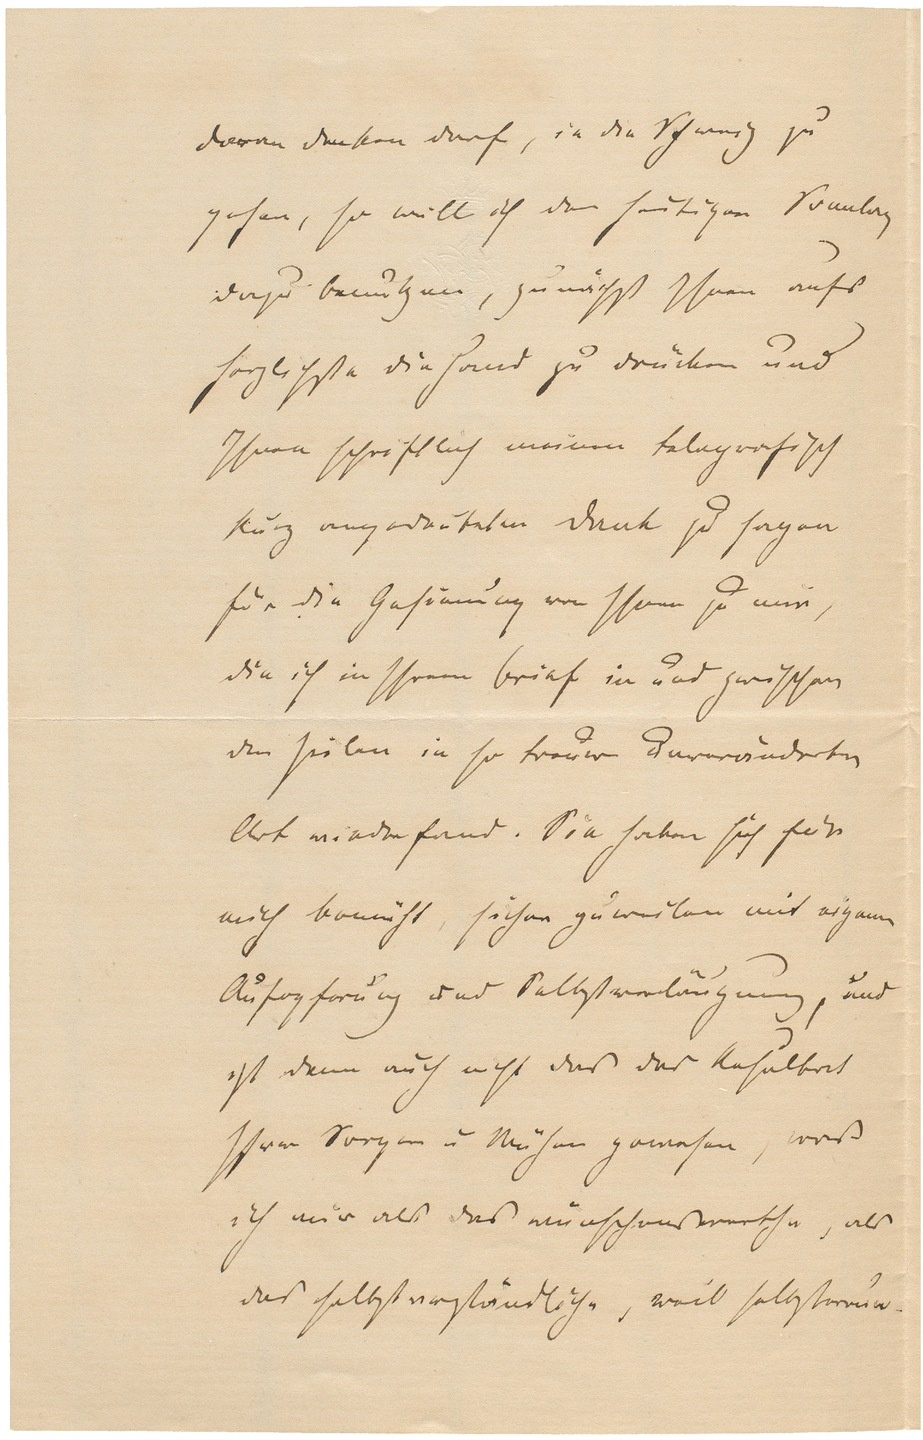daran denken darf, in die Schweiz zu
gehen, so will ich den heutigen Sonntag
dazu benutzen, zunächst Ihnen aufs
herzlichste die Hand zu drücken und
Ihnen schriftlich meinem telegrafisch
kurz angedeuteten Dank zu sagen
für die Gesinnung von Ihnen zu mir,
die ich in Ihrem Brief in und zwischen
den Zeilen in so treuer unveränderter
Art wiederfand. Sie haben sich für
mich bemüht, sicher zuweilen mit eigener
Aufopferung und Selbstverläugnung, und
ist denn auch nicht das das Resultat
Ihrer Sorgen u Mühen gewesen, was
ich mir als das wünschenswerthe, als
das selbstverständliche, weil selbsterrun-